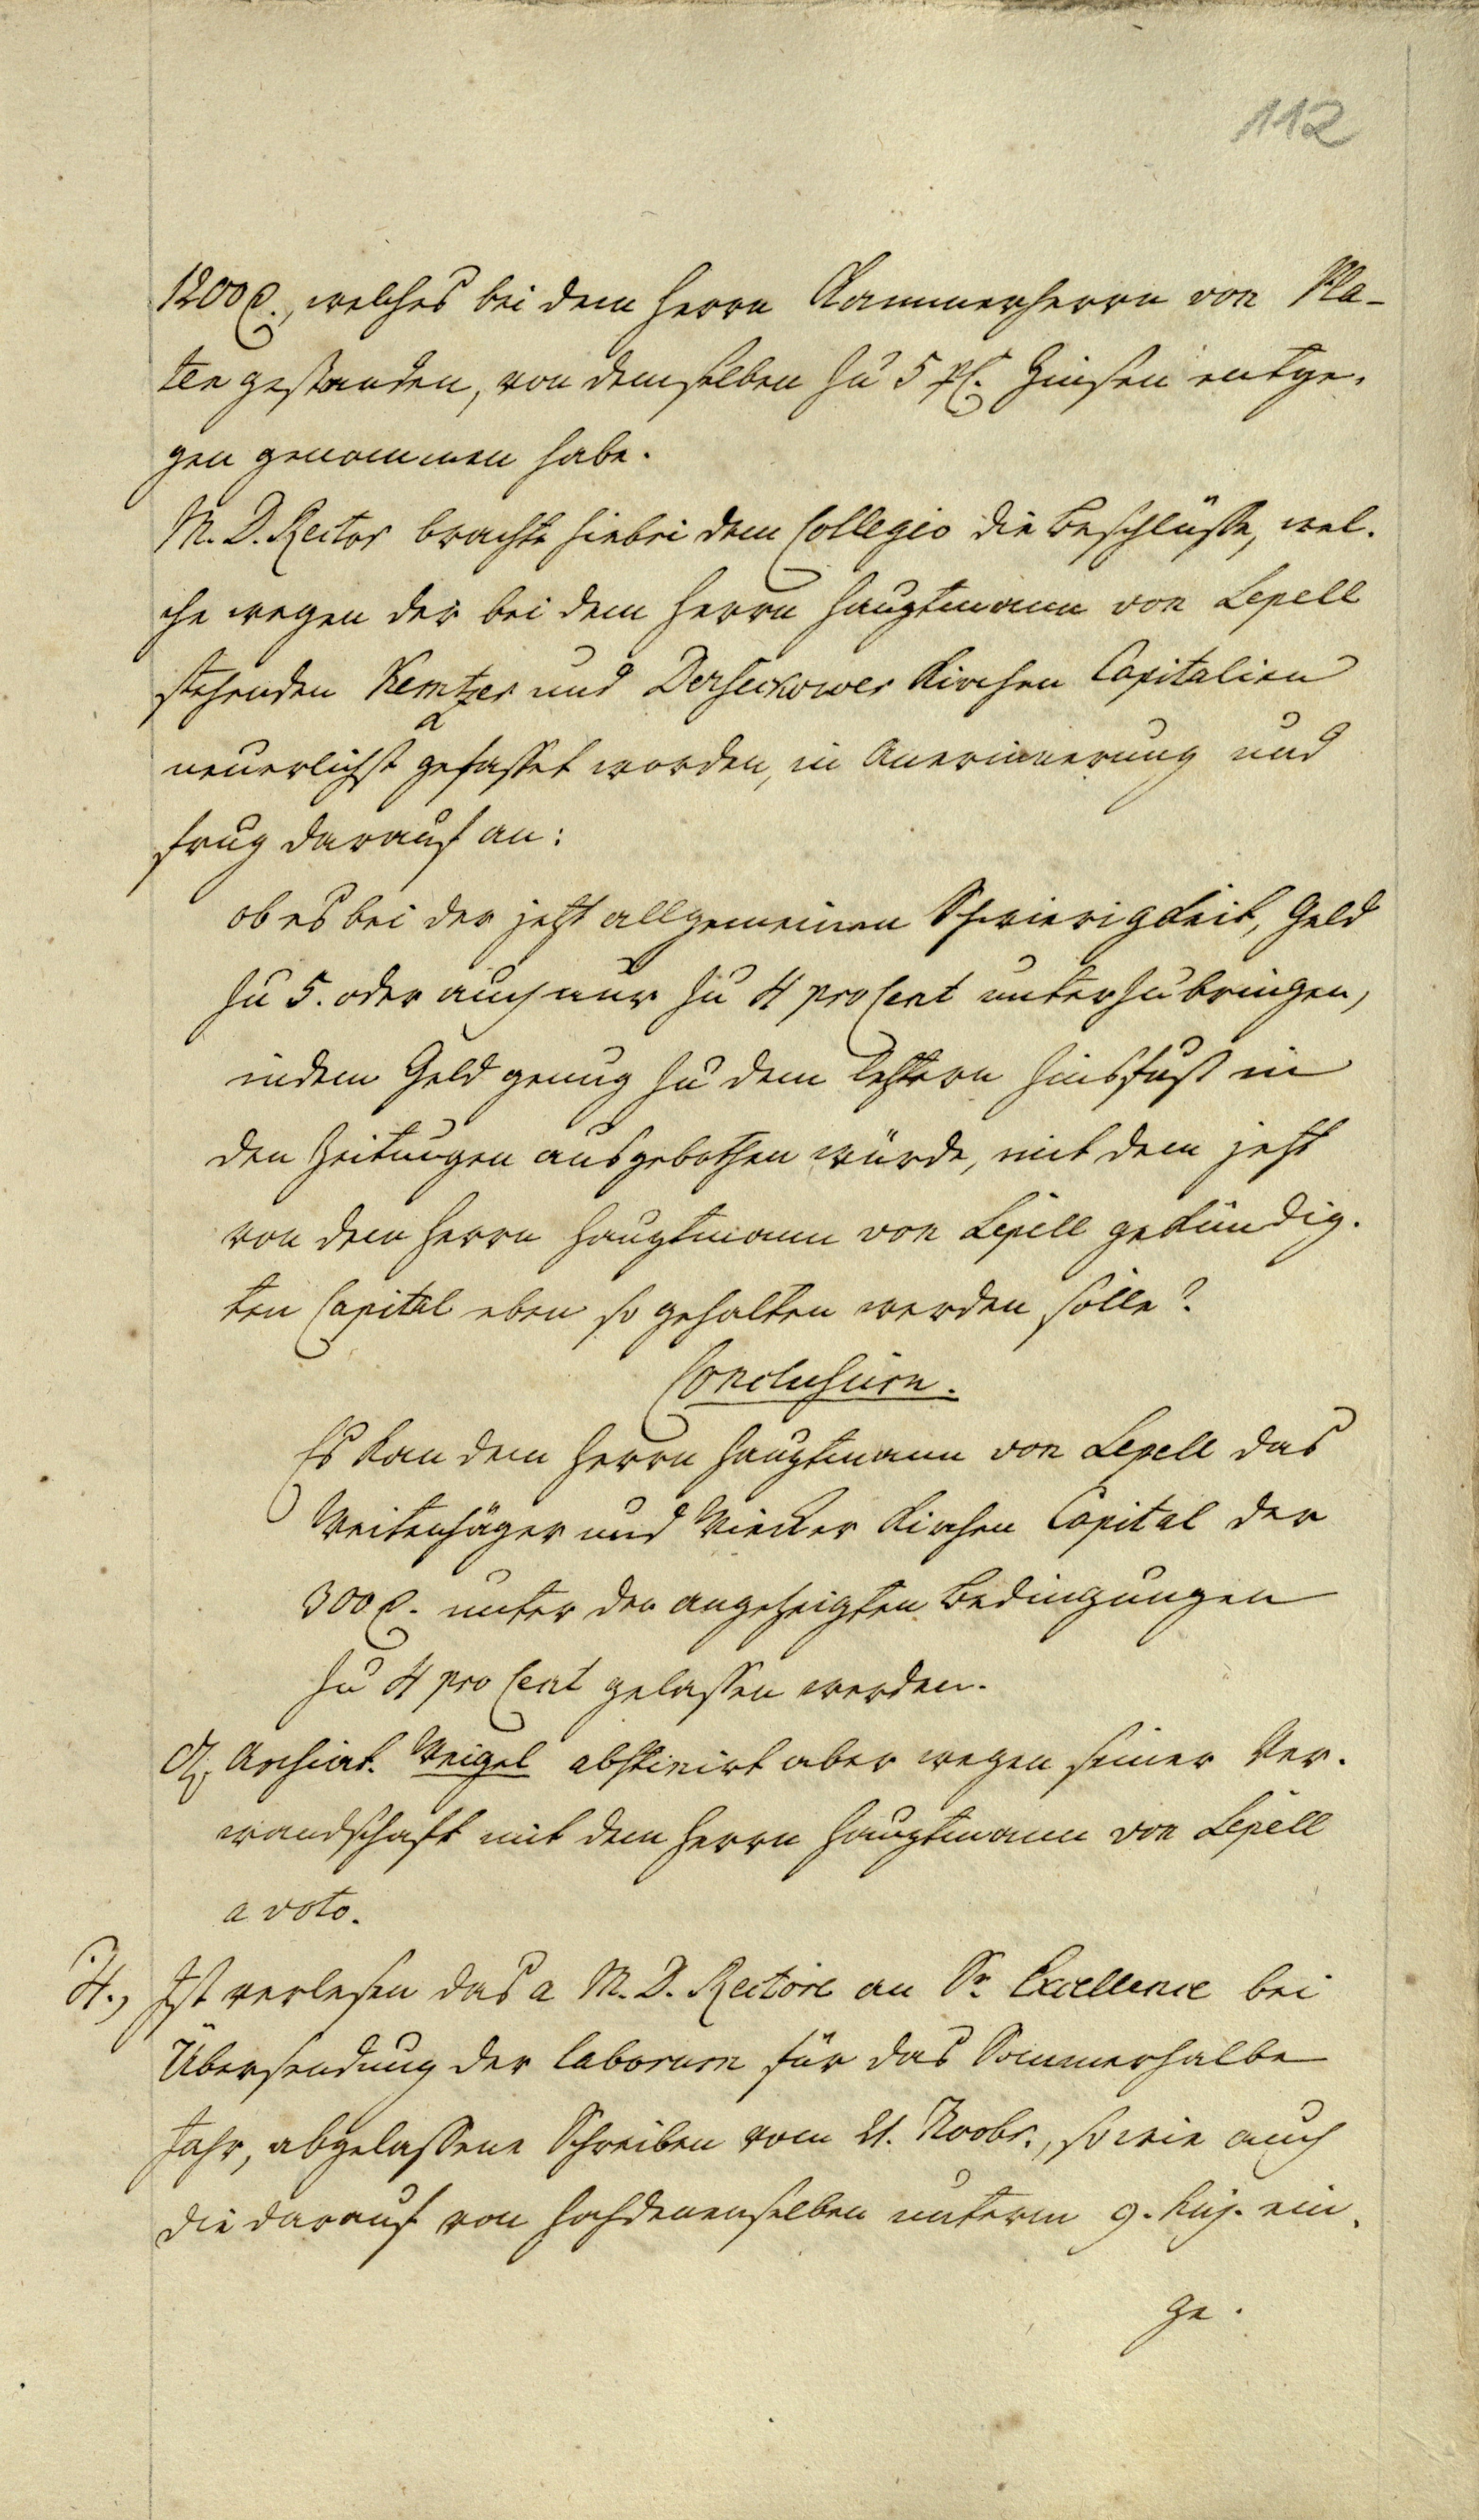1200 l., welches bei dem Herrn Kammerherrn von Pla¬
ten gestanden, von demselben zu 5 pl. Zinsen entge¬
gen genommen habe.
M. D. Rector brachte hiebei dem Collegio die Beschlüsse, wel¬
che wegen der bei dem Herrn Hauptmann von Lepell
stehenden Kemtzer und Derseckower Kirchen Capitalien
neuerlichst gefasset worden, in Anerinnerung und
frug darauf an:
ob es bei der jetzt allgemeinen Schwierigkeit, Geld
zu 5 oder auch nur zu 4 procent unterzu bringen,
indem Geld genug zu dem letztern Zinsfuß in
den Zeitungen ausgebothen würde, mit dem jetzt
von dem Herrn Hauptmann von Lepell gekündig¬
ten Capital eben so gehalten werden solle ?
Conclusum.
Es kan dem Herrn Hauptmann von Lepell das
Weitenhäger und Wiecker Kirchen Capital der
300 l. unter den angezeigten Bedingungen
zu 4 pro Cent gelassen werden.
dh. Archiat. Weigel abstinirt aber wegen seiner Ver¬
wandschaft mit dem Herrn Hauptmann von Lepell
a voto.
4., Ist verlesen das a M. D. Rectore an Sr Excellence bei
Übersendung der Laborum für das Sommerhalbe
Jahr, abgelassene Schreiben vom 21. Novbr., so wie auch
die darauf von hochdenenselben unterm 9. huj. ein¬
ge¬